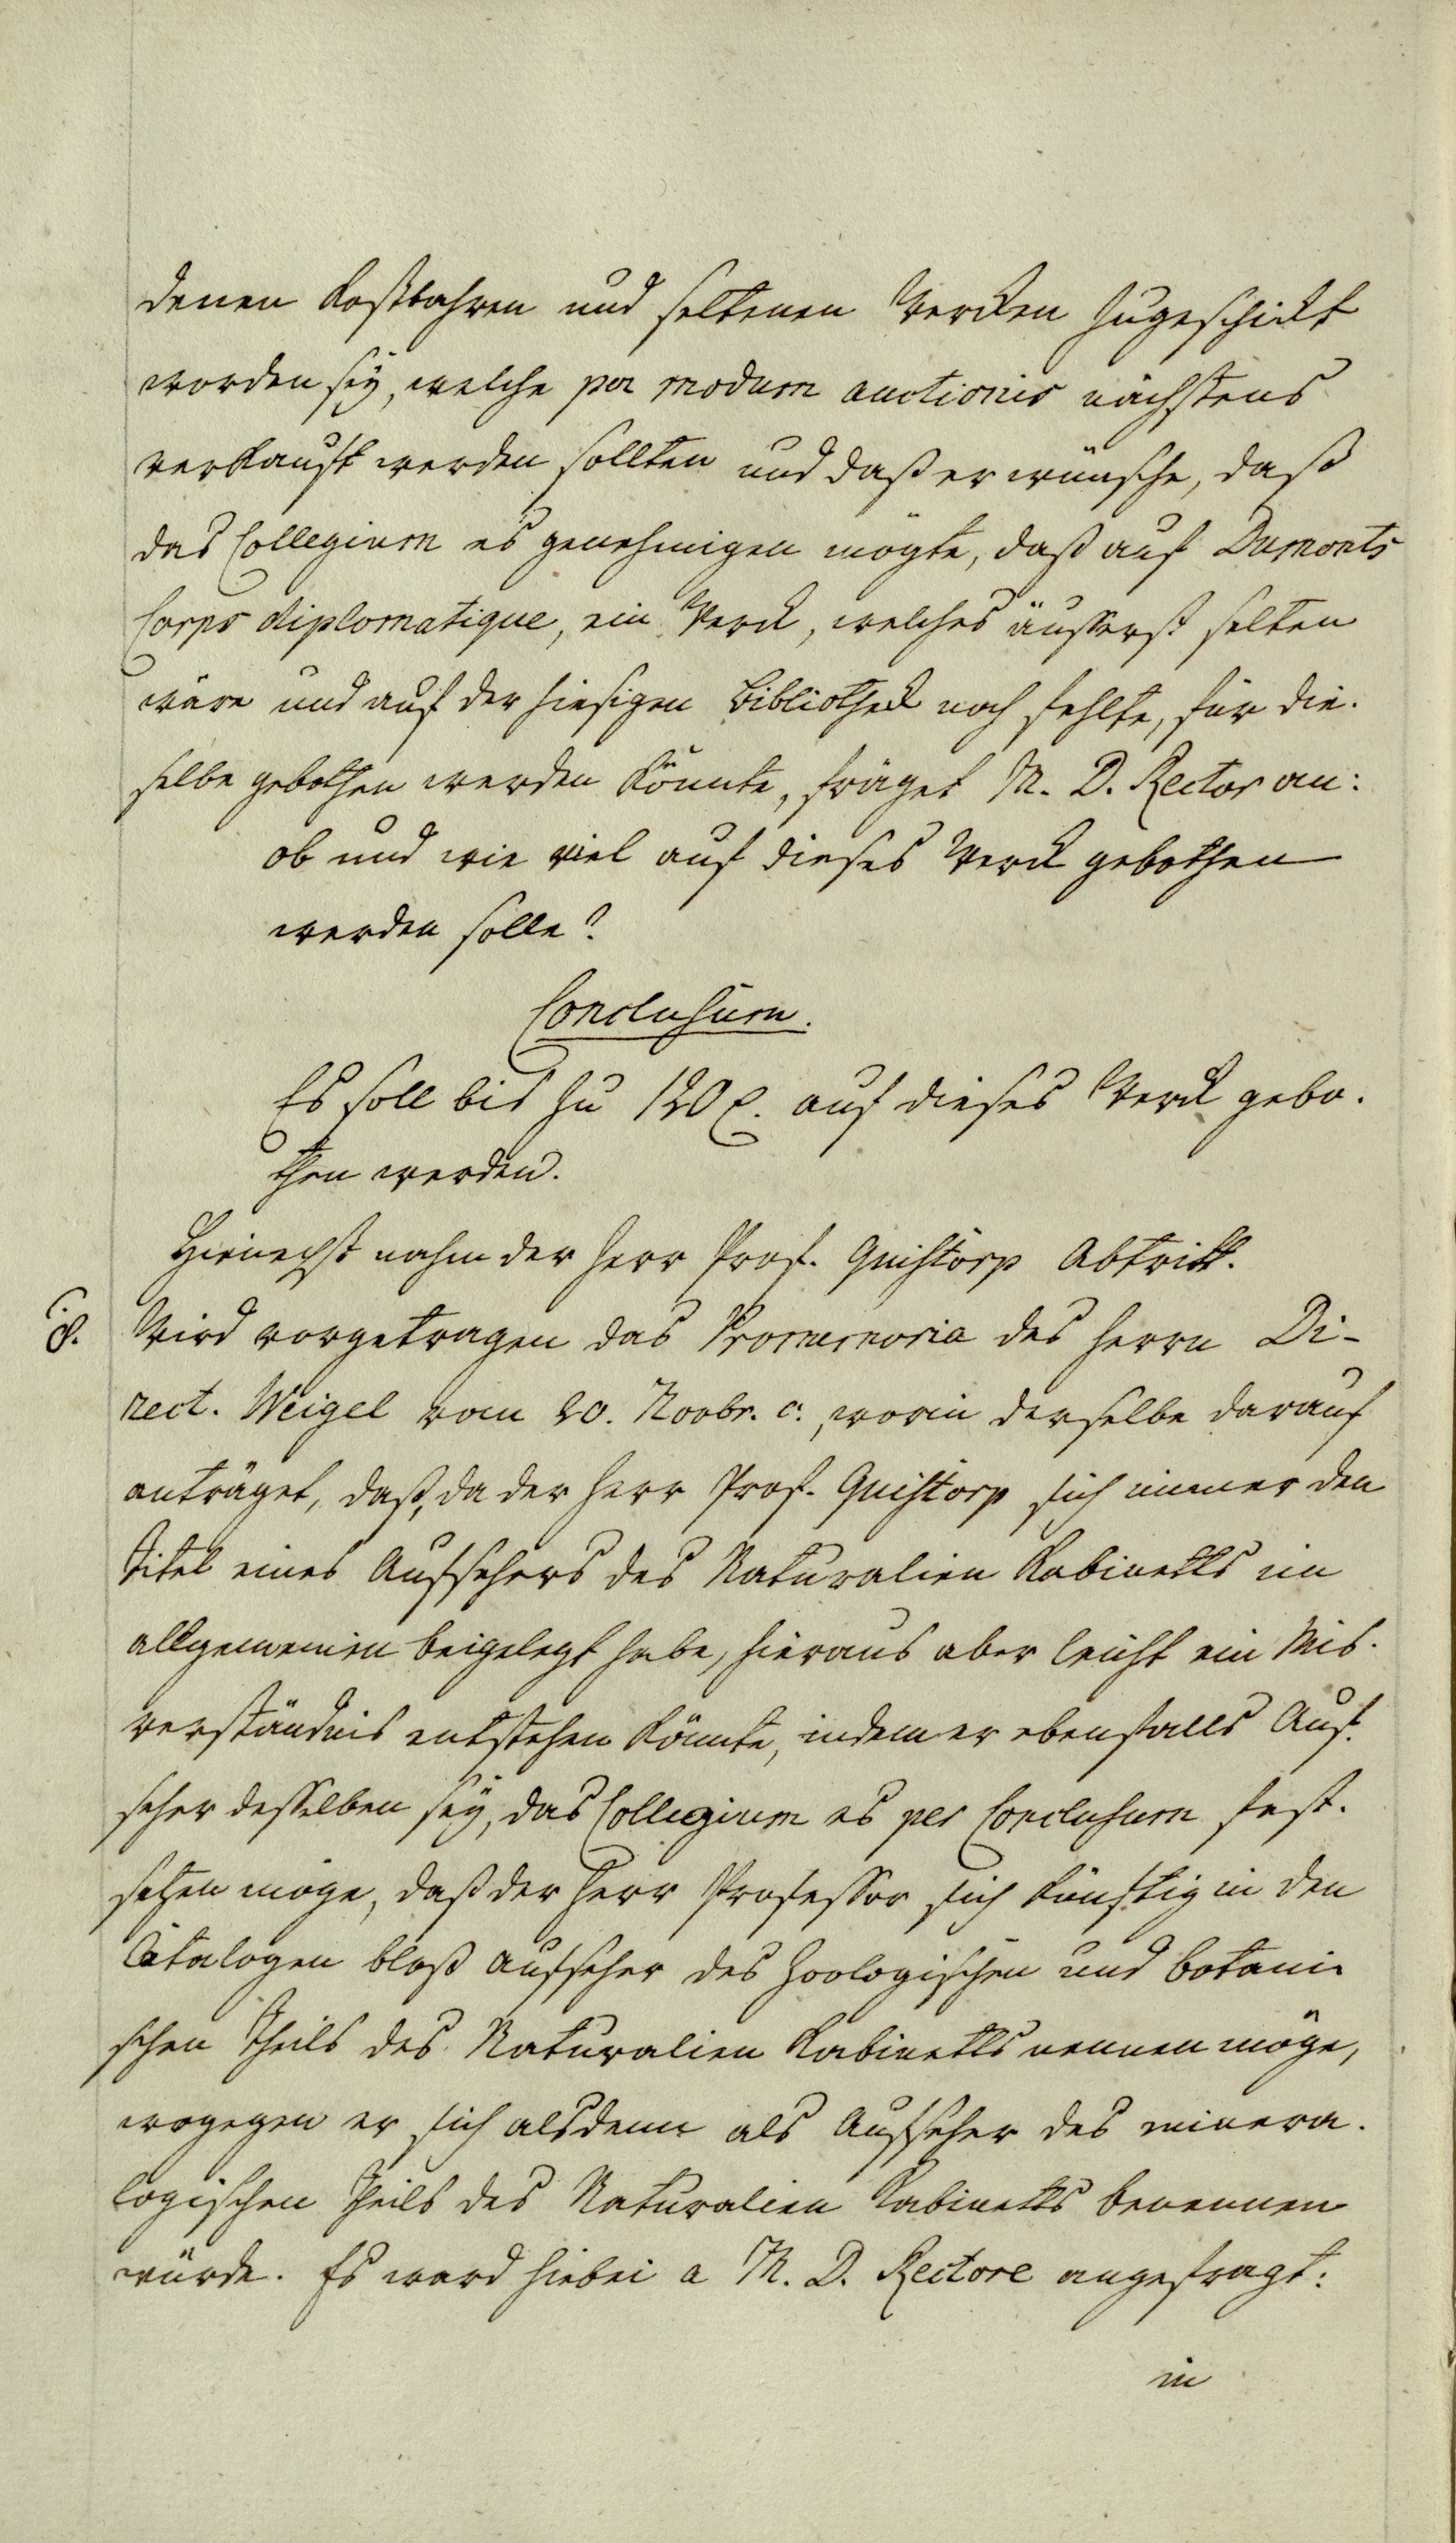denen kostbahren und seltenen Wercken zugeschickt
worden seÿ, welche per modum auctionis nächstens
verkauft werden sollten und daß er wünsche, daß
das Collegium es genehmigen mögte, daß auf Dumonts
Corps diplomatique, ein Werck, welches äusserst selten
wäre und auf der hiesigen Bibliothek noch fehlte, für die¬
selbe gebothen werden könnte, fräget M. D. Rector an:
ob und wie viel auf dieses Werck gebothen
werden solle?
Conclusum.
Es soll bis zu 120 l. auf dieses Werck gebo¬
then werden.
Hienechst nahm der Herr Prof. Quistorp Abtritt.
8. Wird vorgetragen das Promemoria des Herrn Di¬
rect. Weigel vom 20. Novbr. c. worin derselbe darauf
anträget, daß, da der Herr Prof. Quistorp sich immer den
Titel eines Aufsehers das Naturalien Kabinetts im
allgemeinen beigelegt habe, hieraus aber leicht ein Mis¬
verständnis entstehen könnte, indem er ebenfalls Auf¬
seher desselben seÿ, das Collegium es per Conclusum fest¬
setzen möge, daß der Herr Professor sich künftig in den
Catalogen bloß Aufseher des zoologischen und botani¬
schen Theils des Naturalien Kabinetts nennen möge,
wogegen er sich alsdenn als Aufseher des minera¬
logischen Theils des Naturalien Kabinetts benennen
würde. Es ward hiebei a M. D. Rectore angefragt:
in